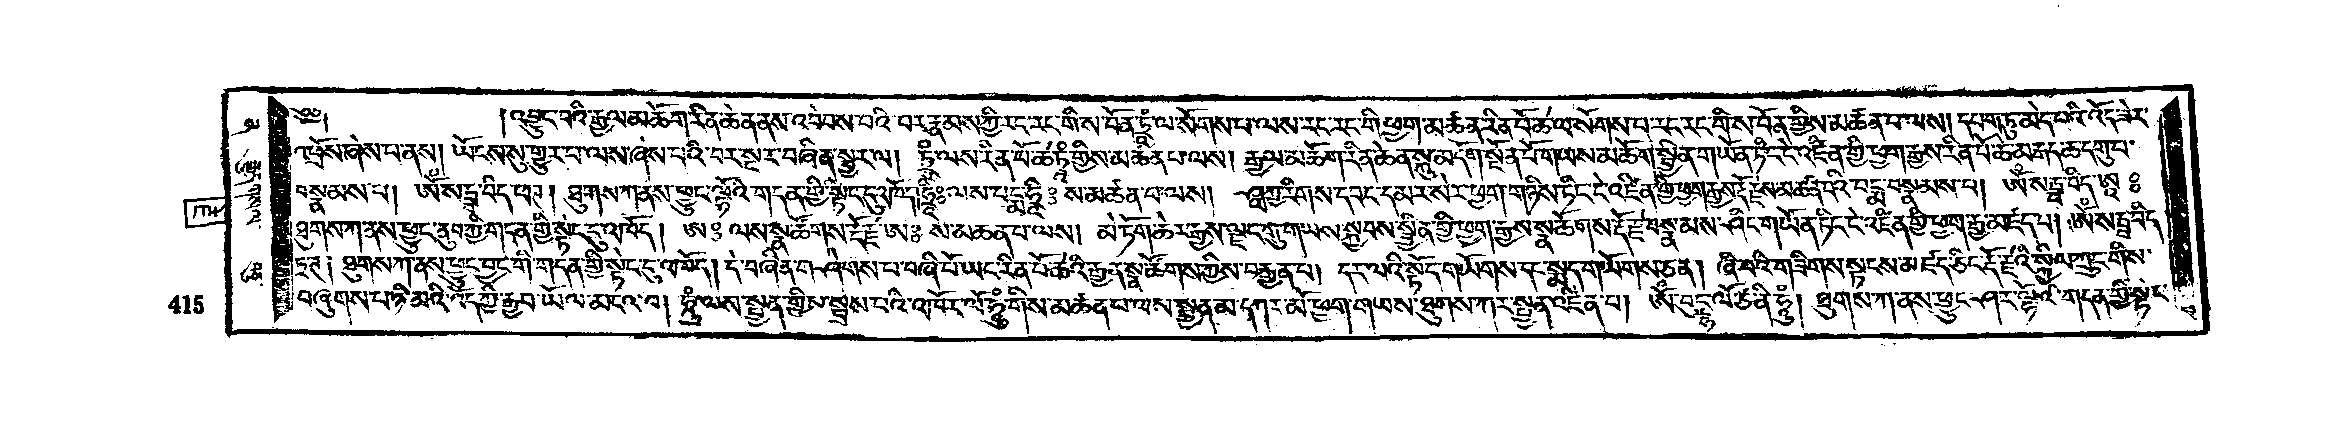༄༅། །འབྱུང་བའི་རྒྱལ་མཆོག་རིན་ཆེན་ནས་འབེབས་པའི་བར་རྣམས་ཀྱི་རང་རང་གི་ས་བོན་ཏྲཱཾ་ལ་སོགས་པ་ལས་རང་རང་གི་ཕྱག་མཚན་རིན་པོ་ཆེ་ལ་སོགས་པ་རང་རང་གི་ས་བོན་གྱིས་མཚན་པ་ལས། དཔག་ཏུ་མེད་པའི་འོད་ཟེར་
འཕྲོས་ཞེས་པ་ནས། ཡོངས་སུ་གྱུར་པ་ལས་ཞེས་པའི་བར་སྔར་བཞིན་སྦྱར་ལ། ཏྲཱཾ་ལས་རིན་པོ་ཆེ་ཏྲཱཾ་གྱིས་མཚན་པ་ལས། རྒྱལ་མཆོག་རིན་ཆེན་སྐུ་མདོག་སྔོན་པོ་གཡས་མཆོག་སྦྱིན་གཡོན་ཏིང་ངེ་འཛིན་གྱི་ཕྱག་རྒྱས་རིན་པོ་ཆེ་མ་?་རྒད་ཆ་དབུ་པ་
བསྣམས་པ། ཨོཾ་སརྦྦ་བིད་ཕཊ། ཐུགས་ཀ་ནས་ཕྱུང་ལྷོའི་གདན་གྱི་སྟེང་དུ་འཁོད། ཧྲཱིཿ ལས་པདམ་ཧྲཱིཿ ས་མཚན་པ་ལས། ཤཱཀྱ་རིགས་དབང་དམར་སེར་ཕྱག་གཉིས་ཏིང་ངེ་འཛིན་གྱི་ཕྱག་རྒྱས་རྡོ་རྗེས་མཚན་པའི་པདམ་བསྣམས་པ། ཨོཾ་སརྦྦ་བིད་ཨཱཿ
ཐུགས་ཀ་ནས་ཕྱུང་ནུབ་ཀྱི་གདན་གྱི་སྟེང་དུ་འཁོད། ཨཿ ལས་སྣ་ཚོགས་རྡོ་རྗེ་ཨཿ ས་མཚན་པ་ལས། མེ་ཏོག་ཆེར་རྒྱས་ལྗང་གུ་གཡས་སྐྱབས་སྦྱིན་གྱི་ཕྱག་རྒྱས་སྣ་ཚོགས་རྡོ་རྗེ་བསྣམས་ཤིང་གཡོན་ཏིང་ངེ་འཛིན་གྱི་ཕྱག་རྒྱ་མཛད་པ། ཨོཾ་སརྦྦ་བིད་
ཏྲ་ཊ། ཐུགས་ཀ་ནས་ཕྱུང་བྱང་གི་གདན་གྱི་སྟེང་དུ་འཁོད། དེ་བཞིན་གཤེགས་པ་བཞི་པོ་ཡང་རིན་པོ་ཆེའི་རྒྱན་སྣ་ཚོགས་ཀྱིས་བརྒྱན་པ། དར་ལའི་སྟོད་གཡོགས་དང་སྨད་གཡོགས་ཅན། ཞི་བའི་གཟིགས་སྟངས་མཛད་ཅིང་རྡོ་རྗེའི་སྐྱེལ་ཀྲུང་གིས་
བཞུགས་པ་ཉི་མའི་འོད་ཀྱི་རྒྱབ་ཡོལ་མངའ་བ། ཧཱུཾ་ལས་སྤྱན་གྱིས་སྤྲས་པའི་འཁོར་ལོ་ཧཱུཾ་གིས་མཚན་པ་ལས་སྤྱན་མ་དཀར་མོ་ཕྱག་གཡས་ཐུགས་ཀར་སྤྱན་འཛིན་པ། ཨོཾ་བུདྡྷ་ལོ་ཙ་ནེ་ཧཱུཾ། ཐུགས་ཀ་ནས་ཕྱུང་ཤར་ལྷོའི་གདན་གྱི་སྟེང་